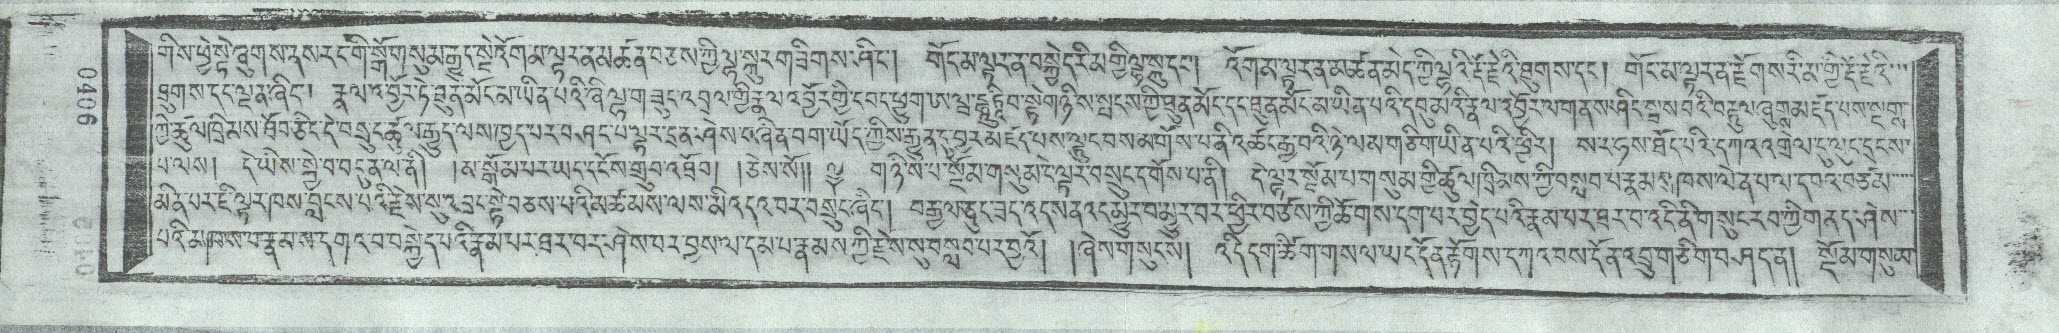གིས་ཕྱེ་སྟེ་ཞུགས་ནས་རང་གི་སྒོ་གསུམ་རྒྱུད་སྡེའོག་མ་ལྟར་ན་མཚན་བཅས་ཀྱི་ལྟ་སྐུར་གཟིགས་ཤིང་། གོང་མ་ལྟར་ན་བསྐྱེད་རིམ་གྱི་ལྷ་སྐུ་དང་། འོག་མ་ལྟར་ན་མཚན་མེད་ཀྱི་ལྷའི་རྡོ་རྗེའི་ཐུགས་དང་། གོང་མ་ལྟར་ན་རྫོགས་རི་མ་གྱི་རྡོ་རྗེའི་
བླུགས་དང་ལྡན་ཞིང་། རྣལ་འབྱོར་ཏེ་ཐུན་མོང་མ་ཡིན་པའི་ཞི་ལྷ་གཟུང་འབྲལ་གྱི་རྣལ་འབྱོར་གྱི་དབང་ཕྱུག་ཨ་ཝ་དྷཱུ་ཏཱི་བ་སྟེ་གཉིས་སྤངས་ཀྱི་ཐུན་མོང་དང་ཐུན་མོང་མ་ཡིན་པའི་དབུ་མའི་རྣལ་འབྱོར་ལ་གནས་ཤིང་སྦས་པའི་བརྟུལ་ཞུགས་མཛད་པས་སྔགས་
ཀྱི་ཚུལ་ཁྲིམས་ཐོབ་ཅིང་རྡོ་བསྲུང་ཚུལ་རྒྱུད་ལས་ཁྱད་པར་བཤད་པ་ལྟར་དྲན་ཤེས་བཞིན་བག་ཡོད་ཀྱིས་རྒྱུན་དུ་བྱར་མཛད་པས་ལྟུང་བསམ་གོས་པ་ནི་འཚང་རྒྱ་བའི་ཉེ་ལམ་གཅིག་ཡིན་པའི་ཕྱིར། ས་ར་ཧས་ཐོད་པའི་དཀའ་འགྲེལ་དུ་ལུང་དྲངས་
པ་ལས། དེ་ཡིས་སྐྱེ་བ་བདུན་ལ་ནི། །མ་སྒོམ་པར་ཡང་དངོས་གྲུབ་འཐོབ། །ཅེས་སོ།། ༈ གཉིས་པ་སྔོམ་གསུམ་དེ་ལྟར་བསྲུང་དགོས་པ་ནི། དེ་ལྟར་སྔོམ་པ་གསུམ་གྱི་ཚུལ་ཁྲིམས་ཀྱི་བསླབ་པ་རྣམ་མཁས་ལེན་པ་ལ་དབའ་བཙམ་
མིན་པར་ཇི་ལྟར་ཁས་བླངས་པའི་རྗེས་སུ་འབྲང་སྟེ་བཅས་པའི་མཚམས་ལས་མི་འདའ་བར་བསྲུང་ཞིང་། བརྒྱ་ལ་ཅུང་ཟད་འདས་ནའང་མྱུར་བ་མྱུར་བར་ཕྱིར་བཙས་ཀྱི་ཆོགས་དག་པར་བྱེད་པའི་རྣམ་པར་ཐར་བ་འདི་ནི་གསུང་རབ་ཀྱི་གནད་ཤེས་
པའི་མཁས་པ་རྣམས་དགའ་བ་བསྐྱེད་པའི་རྣམ་པར་ཐར་བར་ཤེས་པར་བྱས་ལ་དམ་པ་རྣམས་ཀྱི་རྗེས་སུ་བསླབ་པར་བྱའོ། །ཞེས་གསུངས། འདི་དག་ཚིག་གསལ་ཡང་དོན་རྟོགས་དཀའ་བས་དོན་འདྲུ་གཅིག་བཤད་ན། སྡོམ་གསུམ་